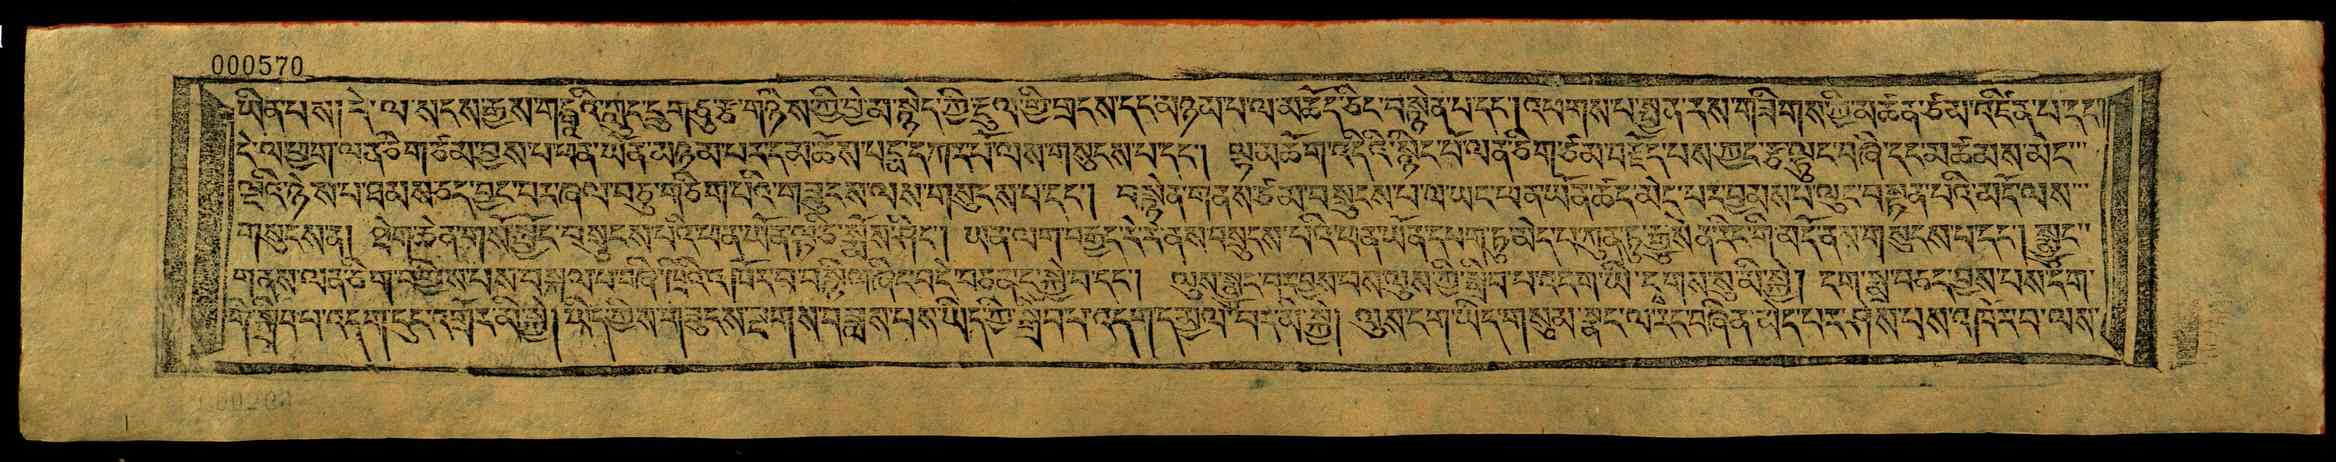ཡིན་པས། དེ་ལ་སངས་རྒྱས་གངྒཱའི་ཀླུང་དྲུག་ཅུ་རྩ་གཉིས་ཀྱི་བྱེ་མ་སྙེད་ཀྱི་རྡུལ་གྱི་གྲངས་དང་མཉམ་པ་ལ་མཆོད་ཅིང་བསྙེན་པ་དང་། འཕགས་པ་སྤྱན་རས་གཟིགས་ཀྱི་མཚན་ཙམ་འཛིན་པ་དང་།
དེ་ལ་ཕྱག་ལན་ཅིག་ཙམ་བྱས་པ་ཕན་ཡོན་མཉམ་པར་དམ་ཆོས་པདམ་དཀར་པོ་ལས་གསུངས་པ་དང་། ལྷ་མཆོག་འདིའི་སྙིང་པོ་ལན་ཅིག་ཙམ་བརྗོད་པས་ཀྱང་རྩ་ལྟུང་བཞི་དང་མཚམས་མེད་
ལྔའི་ཉེས་པ་ཐམས་ཅད་བྱང་བར་ཞལ་བཅུ་གཅིག་པའི་གཟུངས་ལས་གསུངས་པ་དང་། བསྙེན་གནས་ཙམ་བསྲུངས་པ་ལ་ཡང་ཕན་ཡོན་ཚད་མེད་པར་བྱམས་པ་ལུང་བསྟན་པའི་མདོ་ལས་
གསུངས་ན། ཐེག་ཆེན་གསོ་སྦྱོང་བསྲུངས་པའི་ཕན་ཡོན་ལྟ་ཅི་སྨོས་ཤིང་། ཡན་ལག་བརྒྱད་རེ་རེ་ནས་བསྲུངས་པའི་ཕན་ཡོན་
དཔག་ཏུ་མེད་པ་ཀུན་ཏུ་རྒྱུ་སེན་རིང་གི་མདོ་ནས་གསུངས་པ་དང་། སྨྱུང་
གནས་ལན་ཅིག་བགྱིས་པས་བསྐལ་པ་བཞི་ཁྲིའི་འཁོར་བ་བསྙིལ་ཞིང་བདེ་བ་ཅན་དུ་སྐྱེ་བ་དང་། ལུས་སྨྱུང་བར་བྱས་པས་ལུས་ཀྱི་སྒྲིབ་པ་འདག་ཡི་དྭགས་སུ་མི་སྐྱེ། ངག་སྨྲ་བཅད་བྱས་པས་ངག་
གི་སྒྲིབ་པ་འདག་དུད་འགྲོར་མི་སྐྱེ། ཡིད་ཀྱིས་གཟུངས་སྔགས་བཟླས་པས་ཡིད་ཀྱི་སྒྲིབ་པ་འདག་དམྱལ་བར་མི་སྐྱེ། ལུས་ངག་ཡིད་གསུམ་སྣང་ལ་རང་བཞིན་མེད་པར་ཤེས་པས་འཁོར་བ་ལས་